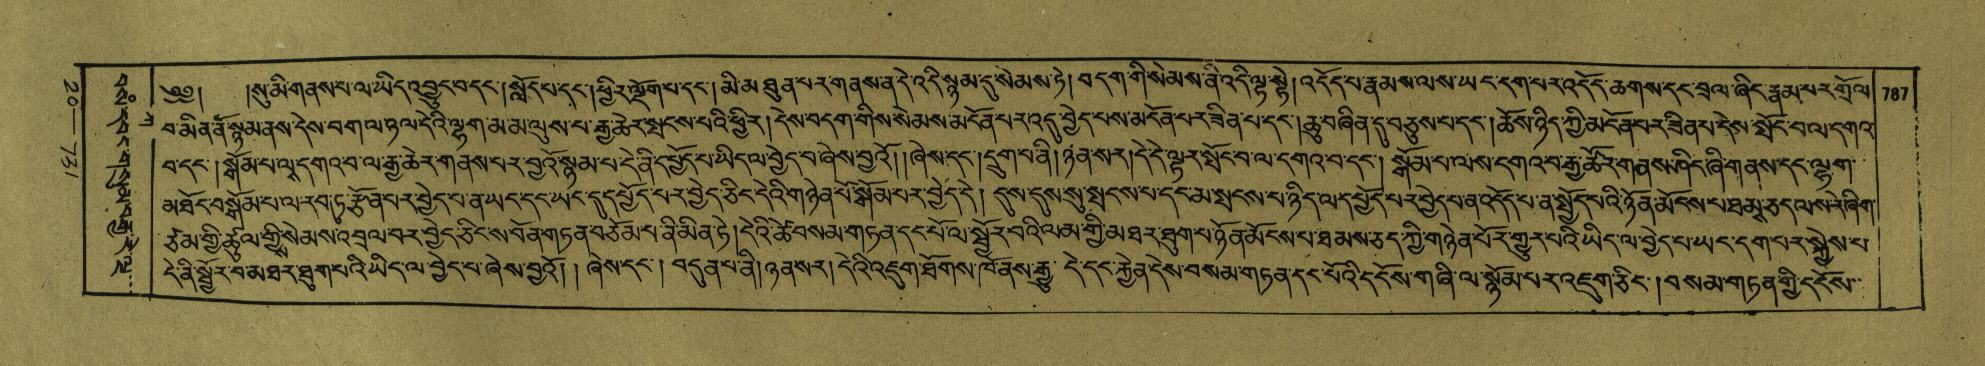༄༅། །སུ་མི་གནས་པ་ལ་ཡིད་འབྱུང་བ་དང་། སློད་པ་དང་། ཕྱིར་ལྡོག་པ་དང་། མི་མཐུན་པར་གནས་ན་དེ་འདི་སྙམ་དུ་སེམས་ཏེ། བདག་གི་སེམས་ནི་འདི་ལྟ་སྟེ། འདོད་པ་རྣམས་ལས་ཡང་དག་པར་འདོད་ཆགས་དང་བྲལ་ཞིང་རྣམ་པར་གྲོལ་
བ་མིན་ནོ་སྙམ་ནས་དེས་བག་ལ་ཉལ་དེའི་ལྷག་མ་མ་ལུས་པ་རྒྱ་ཆེར་སྤངས་པའི་ཕྱིར། དེས་བདག་གིས་སེམས་མངོན་པར་འདུ་བྱེད་པས་མངོན་པར་ཟིན་པ་དང་། ཆུ་བཞིན་དུ་བཅུས་པ་དང་། ཆོས་ཉིད་ཀྱི་མངོན་པར་ཟིན་པ་དེས་སྤོང་བ་ལ་དགའ་
བ་དང་། སྒོམ་པ་ལས་དགའ་བ་ལ་རྒྱ་ཆེར་གནས་པར་བྱའོ་སྙམ་པ་དེ་ནི་དཔྱོད་པ་ཡིད་ལ་བྱེད་པ་ཞེས་བྱའོ། །ཞེས་དང་། དྲུག་པ་ནི། ཉན་སར། དེ་དེ་ལྟར་སྤོང་བ་ལ་དགའ་བ་དང་། སྒོམ་པ་ལས་དགའ་བ་རྒྱ་ཚོར་གནས་ཤིང་ཞི་གནས་དང་ལྷག་
མཐོང་བསྒོམ་པ་ལ་རབ་ཏུ་རྩོན་པར་བྱེད་པ་ན་ཡང་དང་ཡང་དུ་དཔྱོད་པར་བྱེད་ཅིང་དེའི་གཉེན་པོ་སྒོམ་པར་བྱེད་དེ། དུས་དུས་སུ་སྤངས་པ་དང་མ་སྤངས་པ་ཉིད་ལ་དཔྱོད་པར་བྱེད་པ་ན་འདོད་པ་ན་སྤྱོད་པའི་ཉོན་མོངས་པ་ཐམས་ཅད་ལས་རེ་ཞིག་
ཙམ་གྱི་ཚུལ་གྱིས་སེམས་འབྲལ་བར་བྱེད་ཅིང་ས་བོན་གཏན་བཅོམ་པ་ནི་མིན་ཏེ། དེའི་ཚེ་བསམ་གཏན་དང་པོ་ལ་སྦྱོར་བའི་ལམ་གྱི་མཐར་ཐུག་པ་ཉོན་མོངས་པ་ཐམས་ཅད་ཀྱི་གཉེན་པོར་གྱུར་པའི་ཡིད་ལ་བྱེད་པ་ཡང་དག་པར་སྐྱེས་པ་
དེ་ནི་སྦྱོར་བ་མཐར་ཐུག་པའི་ཡིད་ལ་བྱེད་པ་ཞེས་བྱའོ། །ཞེས་དང་། བདུན་པ་ནི། ཉན་སར། དེའི་འཇུག་ཐོགས་ཁོ་ནས་རྒྱུ་དེ་དང་རྐྱེན་དེས་བསམ་གཏན་དང་པོའི་དངོས་གཞི་ལ་སྙོམ་པར་འཇུག་ཅིང་། བསམ་གཏན་གྱི་དངོས་